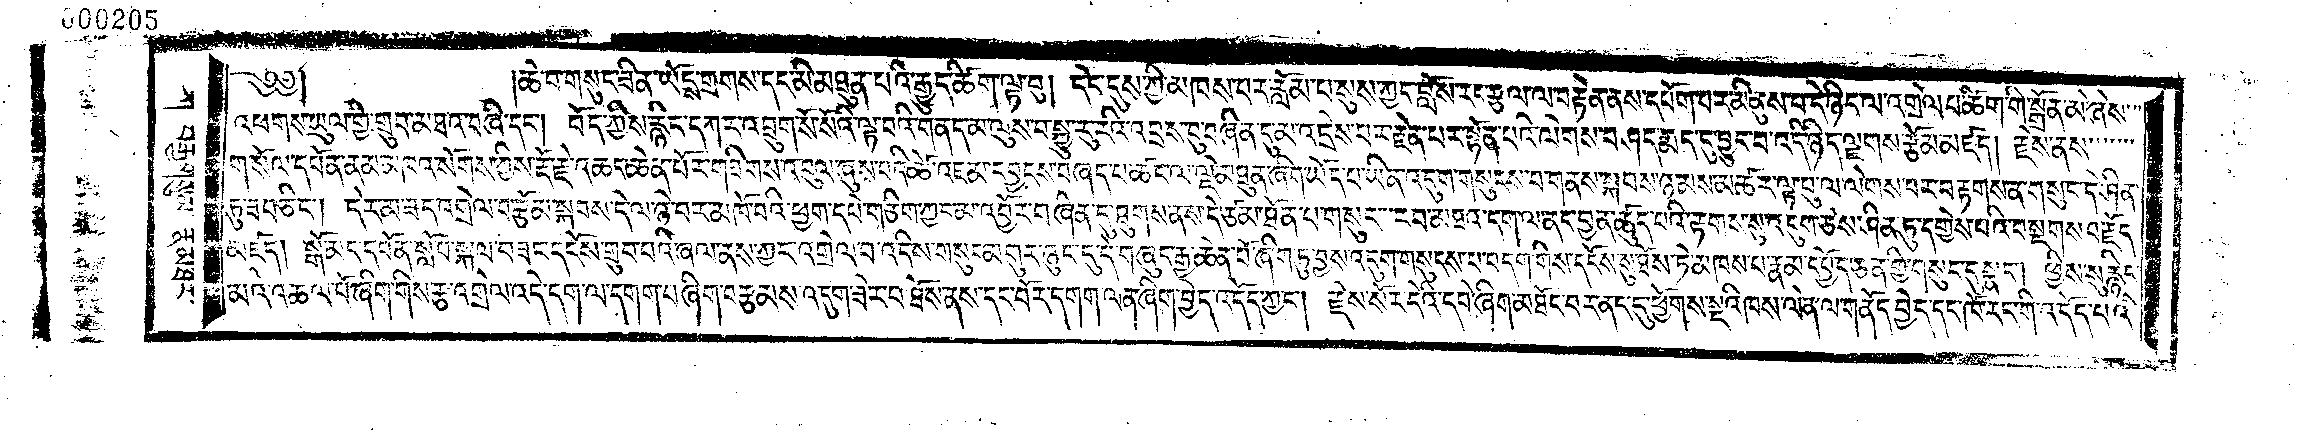༄༅། །ཆེ་བ་གསུང་ཟིན་ཡོངས་གྲགས་དང་མི་མཐུན་པའི་རྒྱུད་ཚིག་ལྟ་བུ། དེང་དུས་ཀྱི་མཁས་པར་རློམ་པ་སུས་ཀྱང་བློས་རང་རྩལ་ལ་བརྟེན་ནས་དཔོག་པར་མི་ནུས་པ་དེ་ཉིད་ལ་འགྲེལ་པ་ཚིག་གི་སྒྲོན་མེ་ཞེས་
འཕགས་ཡུལ་གྱི་གྲུབ་མཐའ་བཞི་དང་། བོད་ཀྱི་ས་རྙིང་དཀར་འབྲུག་སོ་སོའི་ལྟ་བའི་གནད་མ་ལུས་པ་སྒྱུ་རུ་རའི་འབྲས་བུ་བཞིན་དུ་མ་འདྲེས་པར་རྗེན་པར་སྟོན་པའི་ལེགས་བཤད་རྨད་དུ་བྱུང་བ་འདི་ཉིད་ལྗགས་རྩོམ་མཛད། རྗེས་ནས་
གསོལ་དཔོན་ནམ་མཁའ་སོགས་ཀྱིས་རྡོ་རྗེ་འཆང་ཆེན་པོར་གཟིགས་འབུལ་ཞུས་པའི་ཚེ་འཇམ་དབྱངས་བཞད་པ་ཚང་ལ་ལྡེ་མཐུན་ཞིག་ཡོད་པ་ཡིན་འདུག་གསུངས་པ་གནས་སྐབས་ཉམས་མཚར་ལྟ་བུ་ལ་ལེགས་པར་བརྟགས་ན་གསུང་དེ་ཤིན་
ཏུ་ཟབ་ཅིང་། དེར་མ་ཟད་འགྲེལ་པ་རྩོམ་སྐབས་དེ་ལ་ཉེ་བར་མཁོ་བའི་ཕྱག་དཔེ་གཅིག་ཀྱང་མ་འབྱོར་བཞིན་དུ་ཐུགས་ནས་དེ་ཙམ་ཐོན་པ་གསུང་རབ་མཐའ་དག་ལ་ནང་བྱན་ཚུད་པའི་རྟགས་སུ་འདུག་ཅེས་ཤིན་ཏུ་དགྱེས་པའི་བསྔགས་བརྗོད་
མཛད། སྒོ་མང་དཔོན་སློབ་སྐལ་བཟང་དངོས་གྲུབ་པའི་ཞལ་ནས་ཀྱང་འགྲེལ་བ་འདིས་གསུང་མགུར་ཉུང་དུ་དེ་གཞུང་རྒྱ་ཆེན་པོ་ཞིག་ཏུ་བྱས་འདུག་གསུངས་པ་བདག་གིས་དངོས་སུ་ཐོས་ཏེ་མཁས་པ་རྣམ་དཔྱོད་ཅན་གྱི་གསུང་དུ་སྣང་། ཕྱིས་སུ་རྙིང་
མའི་འཆལ་པོ་ཞིག་གིས་རྩ་འགྲེལ་འདི་དག་ལ་དགག་པ་ཞིག་བརྩམས་འདུག་ཟེར་བ་ཐོས་ནས་དང་པོར་དགག་ལན་ཞིག་བྱེད་འདོད་ཀྱང་། རྗེས་སོར་དེའི་དཔེ་ཞིག་མཐོང་བར་ནང་དུ་ཕྱོགས་སྔའི་ཁས་ལེན་ལ་གནོད་བྱེད་དང་ཁོ་རང་གི་འདོད་པའི་